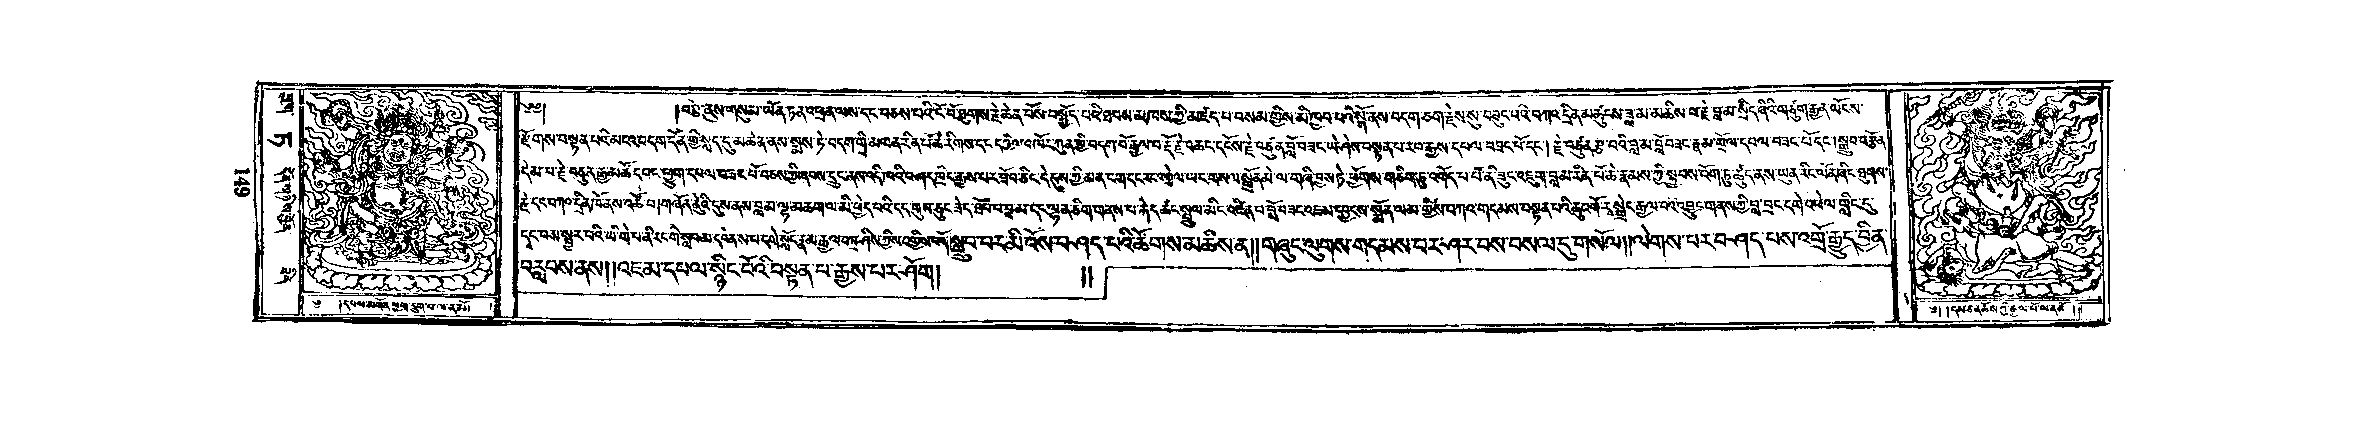༄༅། །བརྩེ་ནུས་གསུམ་ཡོན་ཏན་འཕྲན་ལས་དང་བཅས་པའི་ངོ་བོ་ཐུགས་རྗེ་ཆེན་པོས་བསྐྱོད་པའི་ཐབས་མཁས་ཀྱི་མཛད་པ་བསམ་གྱིས་མི་ཁྱབ་པའི་སྒོ་ནས་བདག་ཅག་རྗེས་སུ་བཟུང་བའི་བཀའ་དྲིན་མཚུངས་ཟླ་མ་མཆིས་པ་རྗེ་བླ་མ་སྲིད་ཞིའི་གཙུག་རྒྱན་ཡོངས་
རྫོགས་བསྟན་པའི་མངའ་བདག་དོན་གྱི་སླད་དུ་མཚན་ནས་སྨས་ཏེ་བདག་གྲི་མཁན་རིན་པོ་ཆེ་རིགས་དང་དཀྱིལ་འཁོར་ཀུན་གྱི་བདག་པོ་རྒྱལ་བ་རྡོ་རྗེ་འཆང་དངོས་རྗེ་བཙུན་བློ་བཟང་ཡེ་ཤེས་བསྟན་པ་རབ་རྒྱས་དཔལ་བཟང་པོ་དང་། རྗེ་བཙུན་རྩ་བའི་བླ་མ་བློ་བཟང་རྣམ་གྲོལ་དཔལ་བཟང་པོ་དང་། སྒྲུབ་བརྩོན་
དེམ་པ་རྗེ་བཙུན་རྒྱ་མཚོ་དབང་ཕྱུག་དཔལ་བཟང་པོ་བཅས་ཀྱི་ཞབས་དྲུང་ནས་འདི་ཁའི་བཤད་ཁྲིད་རྒྱས་པར་ཐོབ་ཅིང་དེ་དུས་ཀྱི་མན་ངག་དང་རང་འགྲེལ་ཡང་གསལ་སྒྲོན་མེ་ལ་གཞི་བྱས་ཏེ་ཕྱོགས་གཅིག་ཏུ་འགོད་པ་པོ་ནི་ཟུང་འཇུག་བླ་མ་རིན་པོ་ཆེ་རྣམས་ཀྱི་སྐྱབས་འོག་ཏུ་ཚུད་ནས་ཡུན་རིང་ལོན་ཞིང་ཐུགས་
རྗེ་དང་བཀའ་དྲིན་ཁོ་ནས་འཚོ་བ། གཞོན་ནུའི་དུས་ནས་བླ་མ་ལྷ་མཆག་ལ་མི་ཕྱེད་པའི་དད་གུས་ཅུང་ཟེད་ཐོབ་པ་བླ་མ་དང་ལྷན་ཅིག་གནས་པ་རྐེད་ཚང་སྤྲུལ་མིང་འཛིན་པ་བློ་བཟང་འཇམ་དབྱངས་སྨོན་ལམ་གྱིས་བཀའ་གདམས་བསྟན་པའི་ཆུ་འགོ་རྭ་སྒྲེང་རྒྱལ་བའི་འབྱུང་གནས་ཀྱི་བླ་བྲང་དགེ་འཕེལ་གླིང་དུ་
དྭང་བས་སྦྱར་པའི་ཡི་གེ་པ་ནི་རང་གི་སླབ་མ་དབེན་ས་པ་དགེ་སློང་རྣམ་རྒྱལ་བཀྲ་ཤིས་ཀྱིས་བགྱིས་པའོ། །སྒྲུབ་པར་མི་འོས་བཤད་པའི་ཚོགས་མཆིས་ན། །གཞུང་ལུགས་གདམས་པར་ཤར་བས་བསལ་དུ་གསོལ། །ལེགས་པར་བཤད་པས་འགྲོ་རྒྱུད་བྱིན་
བརླབས་ནས། །འཇམ་དཔལ་སྙིང་པོའི་བསྟན་པ་རྒྱས་པར་ཤོག། །།